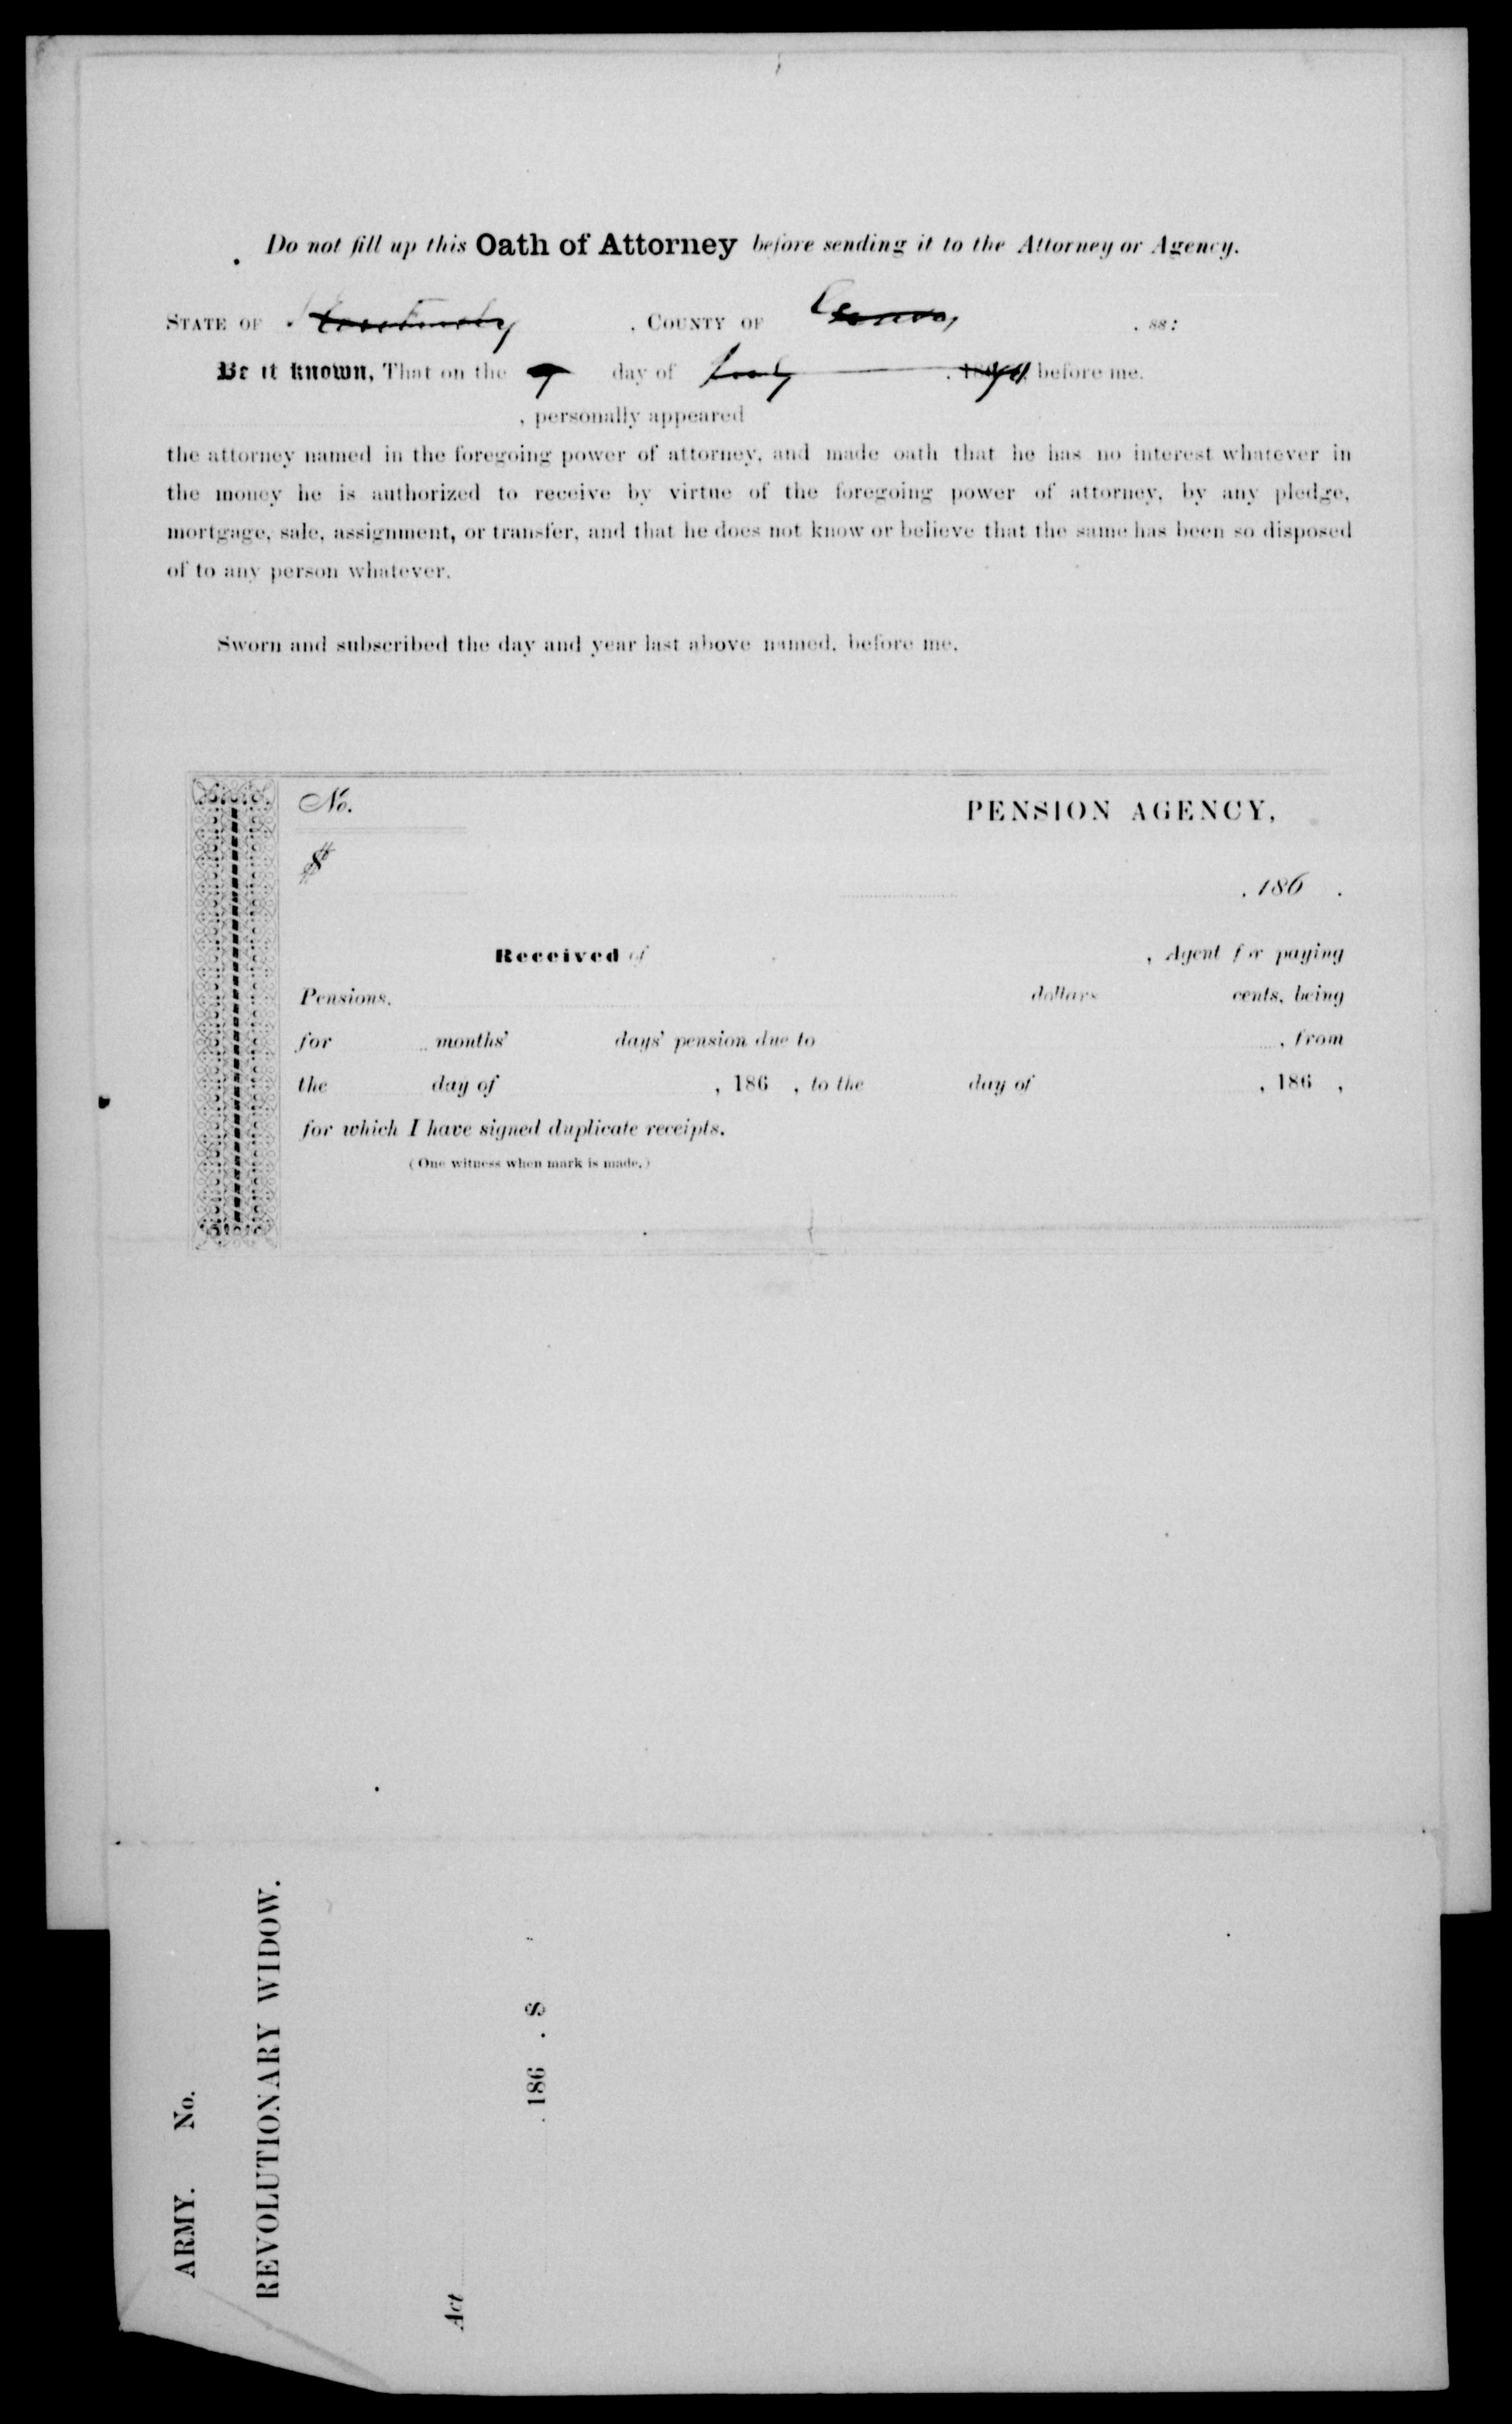Do not fill up this oath of Attorney before it to the Attorney or Agency.

State of Kentucky, County of Graves, ss:

	Be it known, that on the 9 day of July, 1870   before me
		, personally appeared		
the attorney named in the foregoing power of attorney, and made oath that he has no interest whatever in the money he is authorized to receive by virtue of the foregoing power attorney, by any pledge, mortgage, sale, assignment, or transfer, and that he does not know or believe that the same has been so disposed of to any person whatever.

Sworn and subscribed the day and year last above named, before me.
PENSION AGENCY,
No.
$
, 186,
Received of		Agent for paying
for 		monts’		days pension due to 		, from
the 		day of 		, 186	, tot he 		day of 		, 186	,
for which I have signed duplicate receipts
(One witness when mark is made.)


Army No
Revolutionary Widow. 
Act 
		186	.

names: [BLANK]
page: 42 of 61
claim: widow's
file: W. 11554, for John Stafford, Maryland